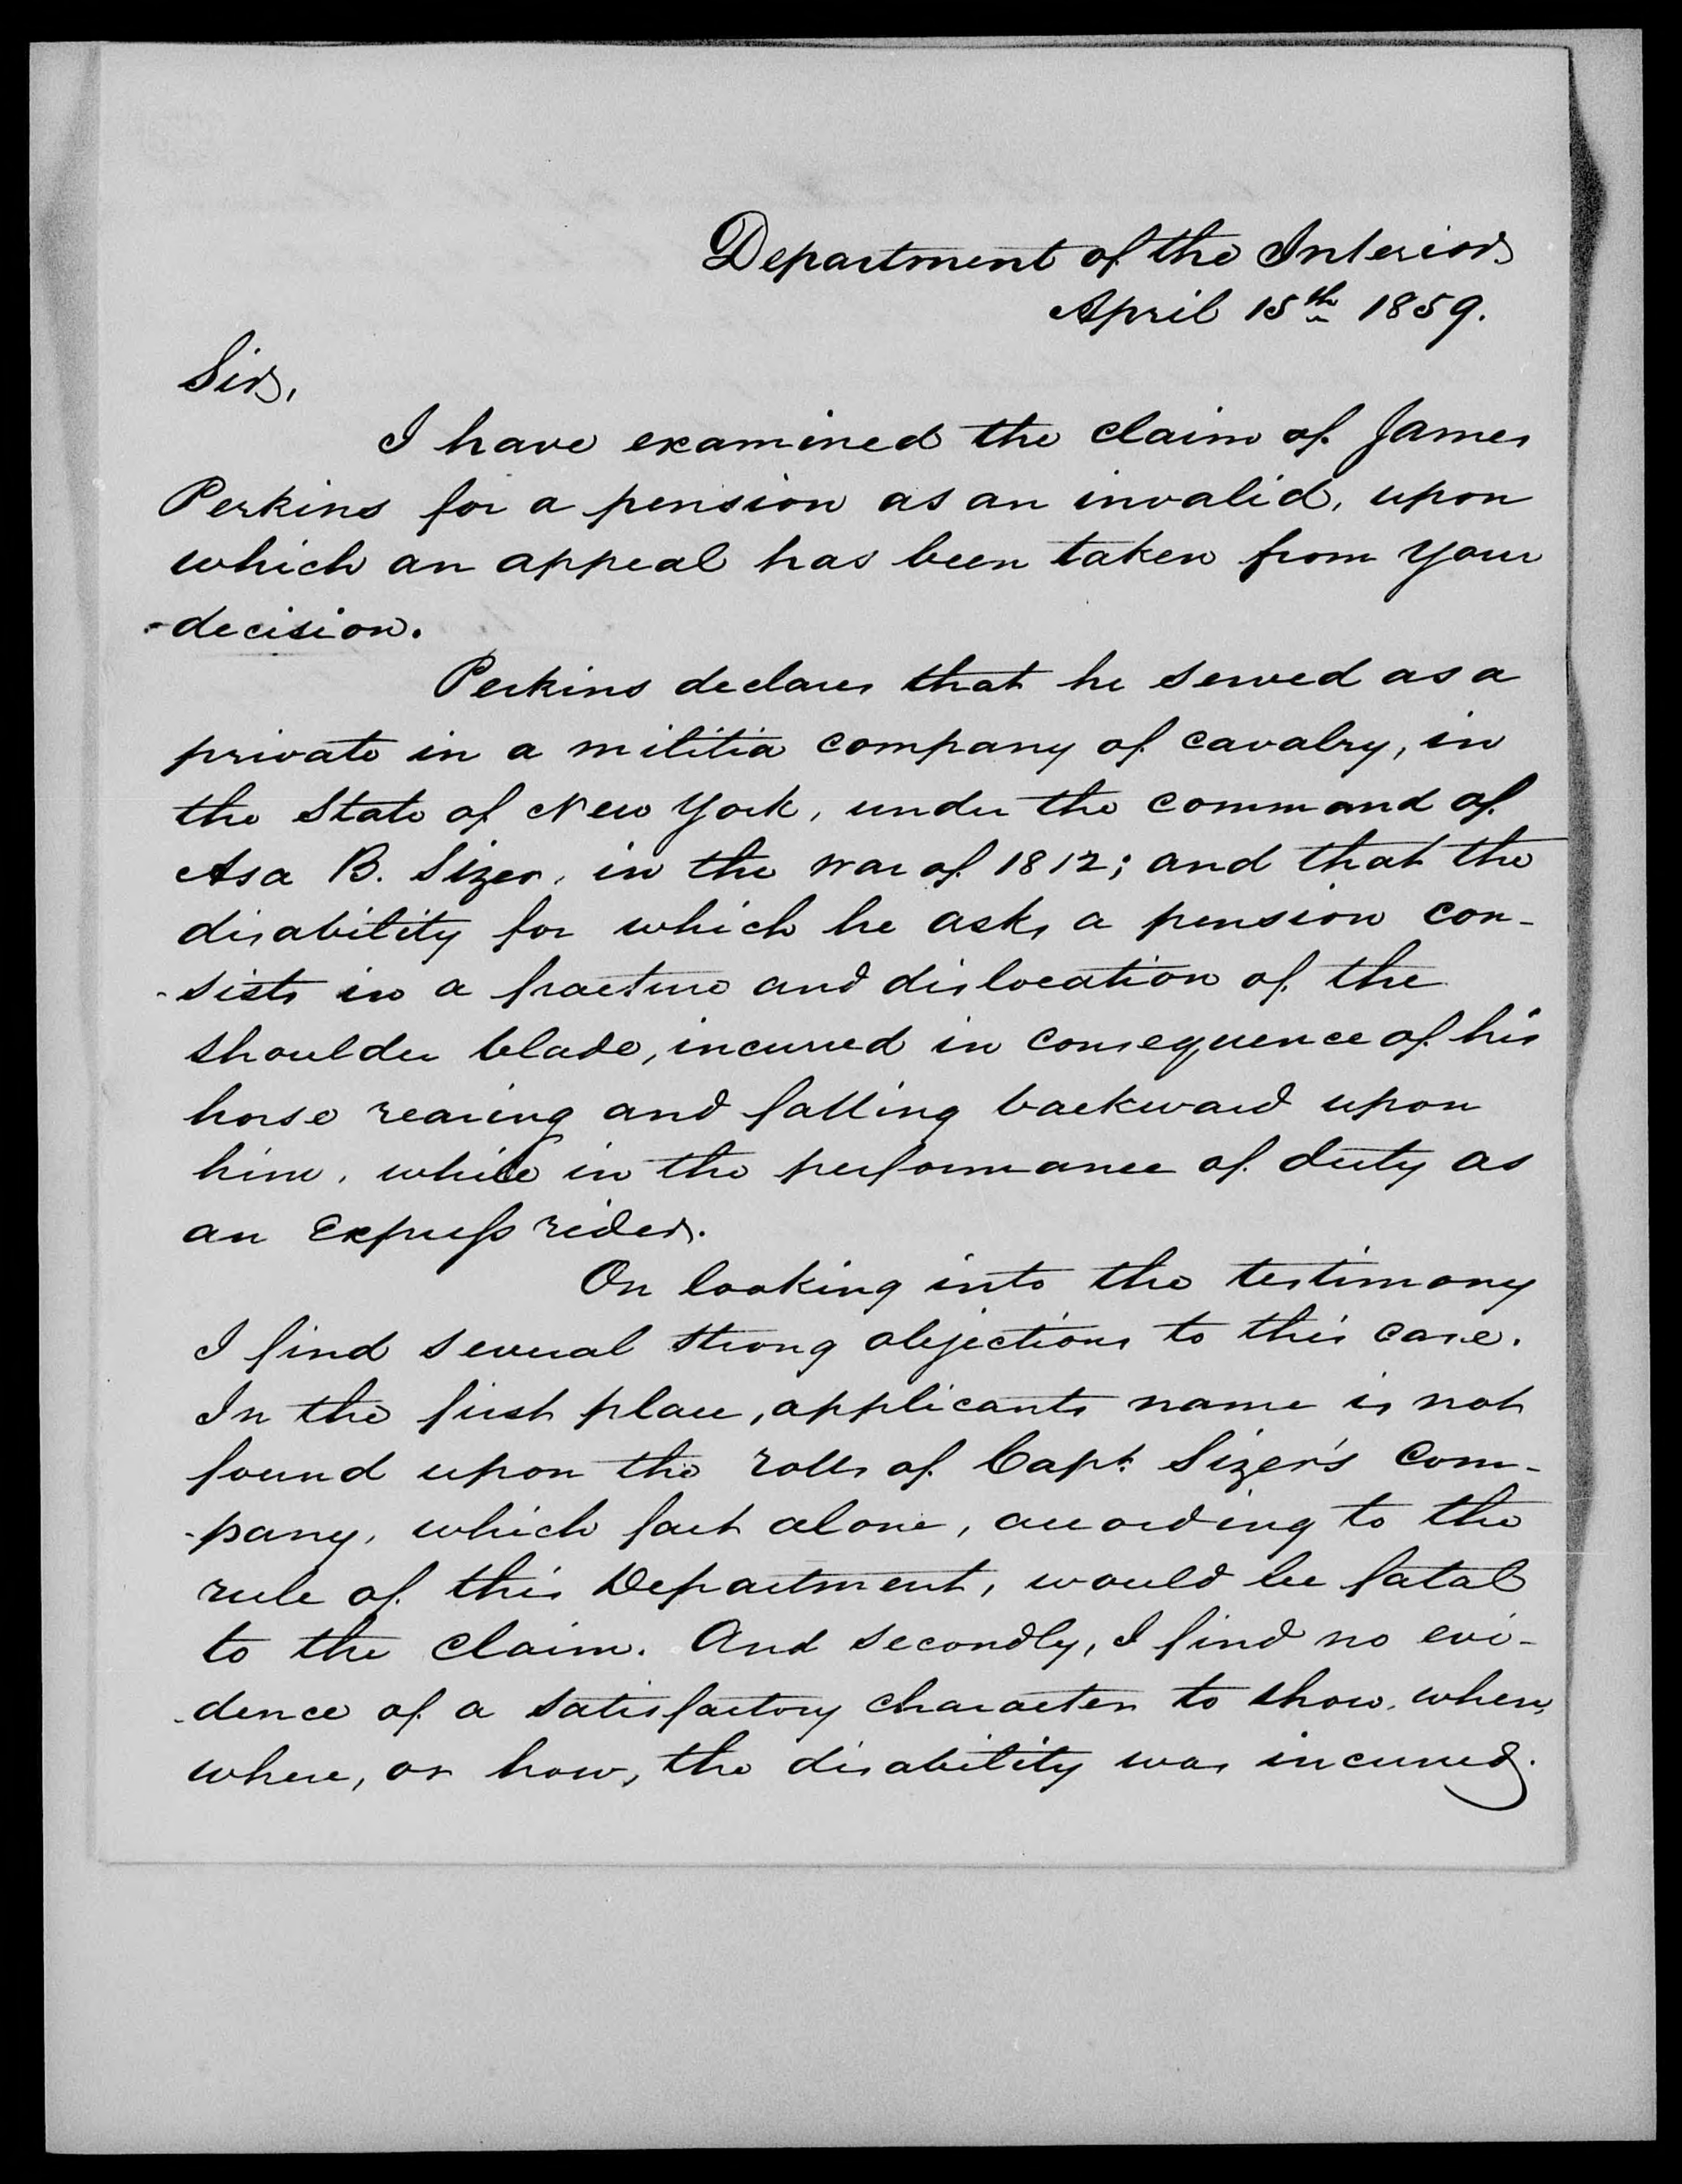Department of the Interior 
April 15th 1859. 
Sirs, 
I have examined the claim of James Perkins for a pension as an invalid, upon which an appeal has been taken from your decision. 
Perkins declares that he served as a private in a militia company of cavalry, in the State of New York, under the command of Asa B. Sizer, in the war of 1812, and that the disability for which he asks a pension consists in a practice and dislocation of the shoulder blade, incurred in consequence of his horse rearing and falling backward upon him, while in the performance of duty as an express rider. 
On looking into the testimony I find several strong objections to this case. In the first place, applicants name is not found upon the rolls of Capt. Sizer's company, which fact alone, according to the rule of this Department, would be fatal to the claim. And secondly, I find no evidence of a satisfactory character to show, when where, or how, the disability was incurred.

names: Asa B Sizer; James Perkins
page: 24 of 44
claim: rejected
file: R. 17,033, for Joseph Perkins, New York